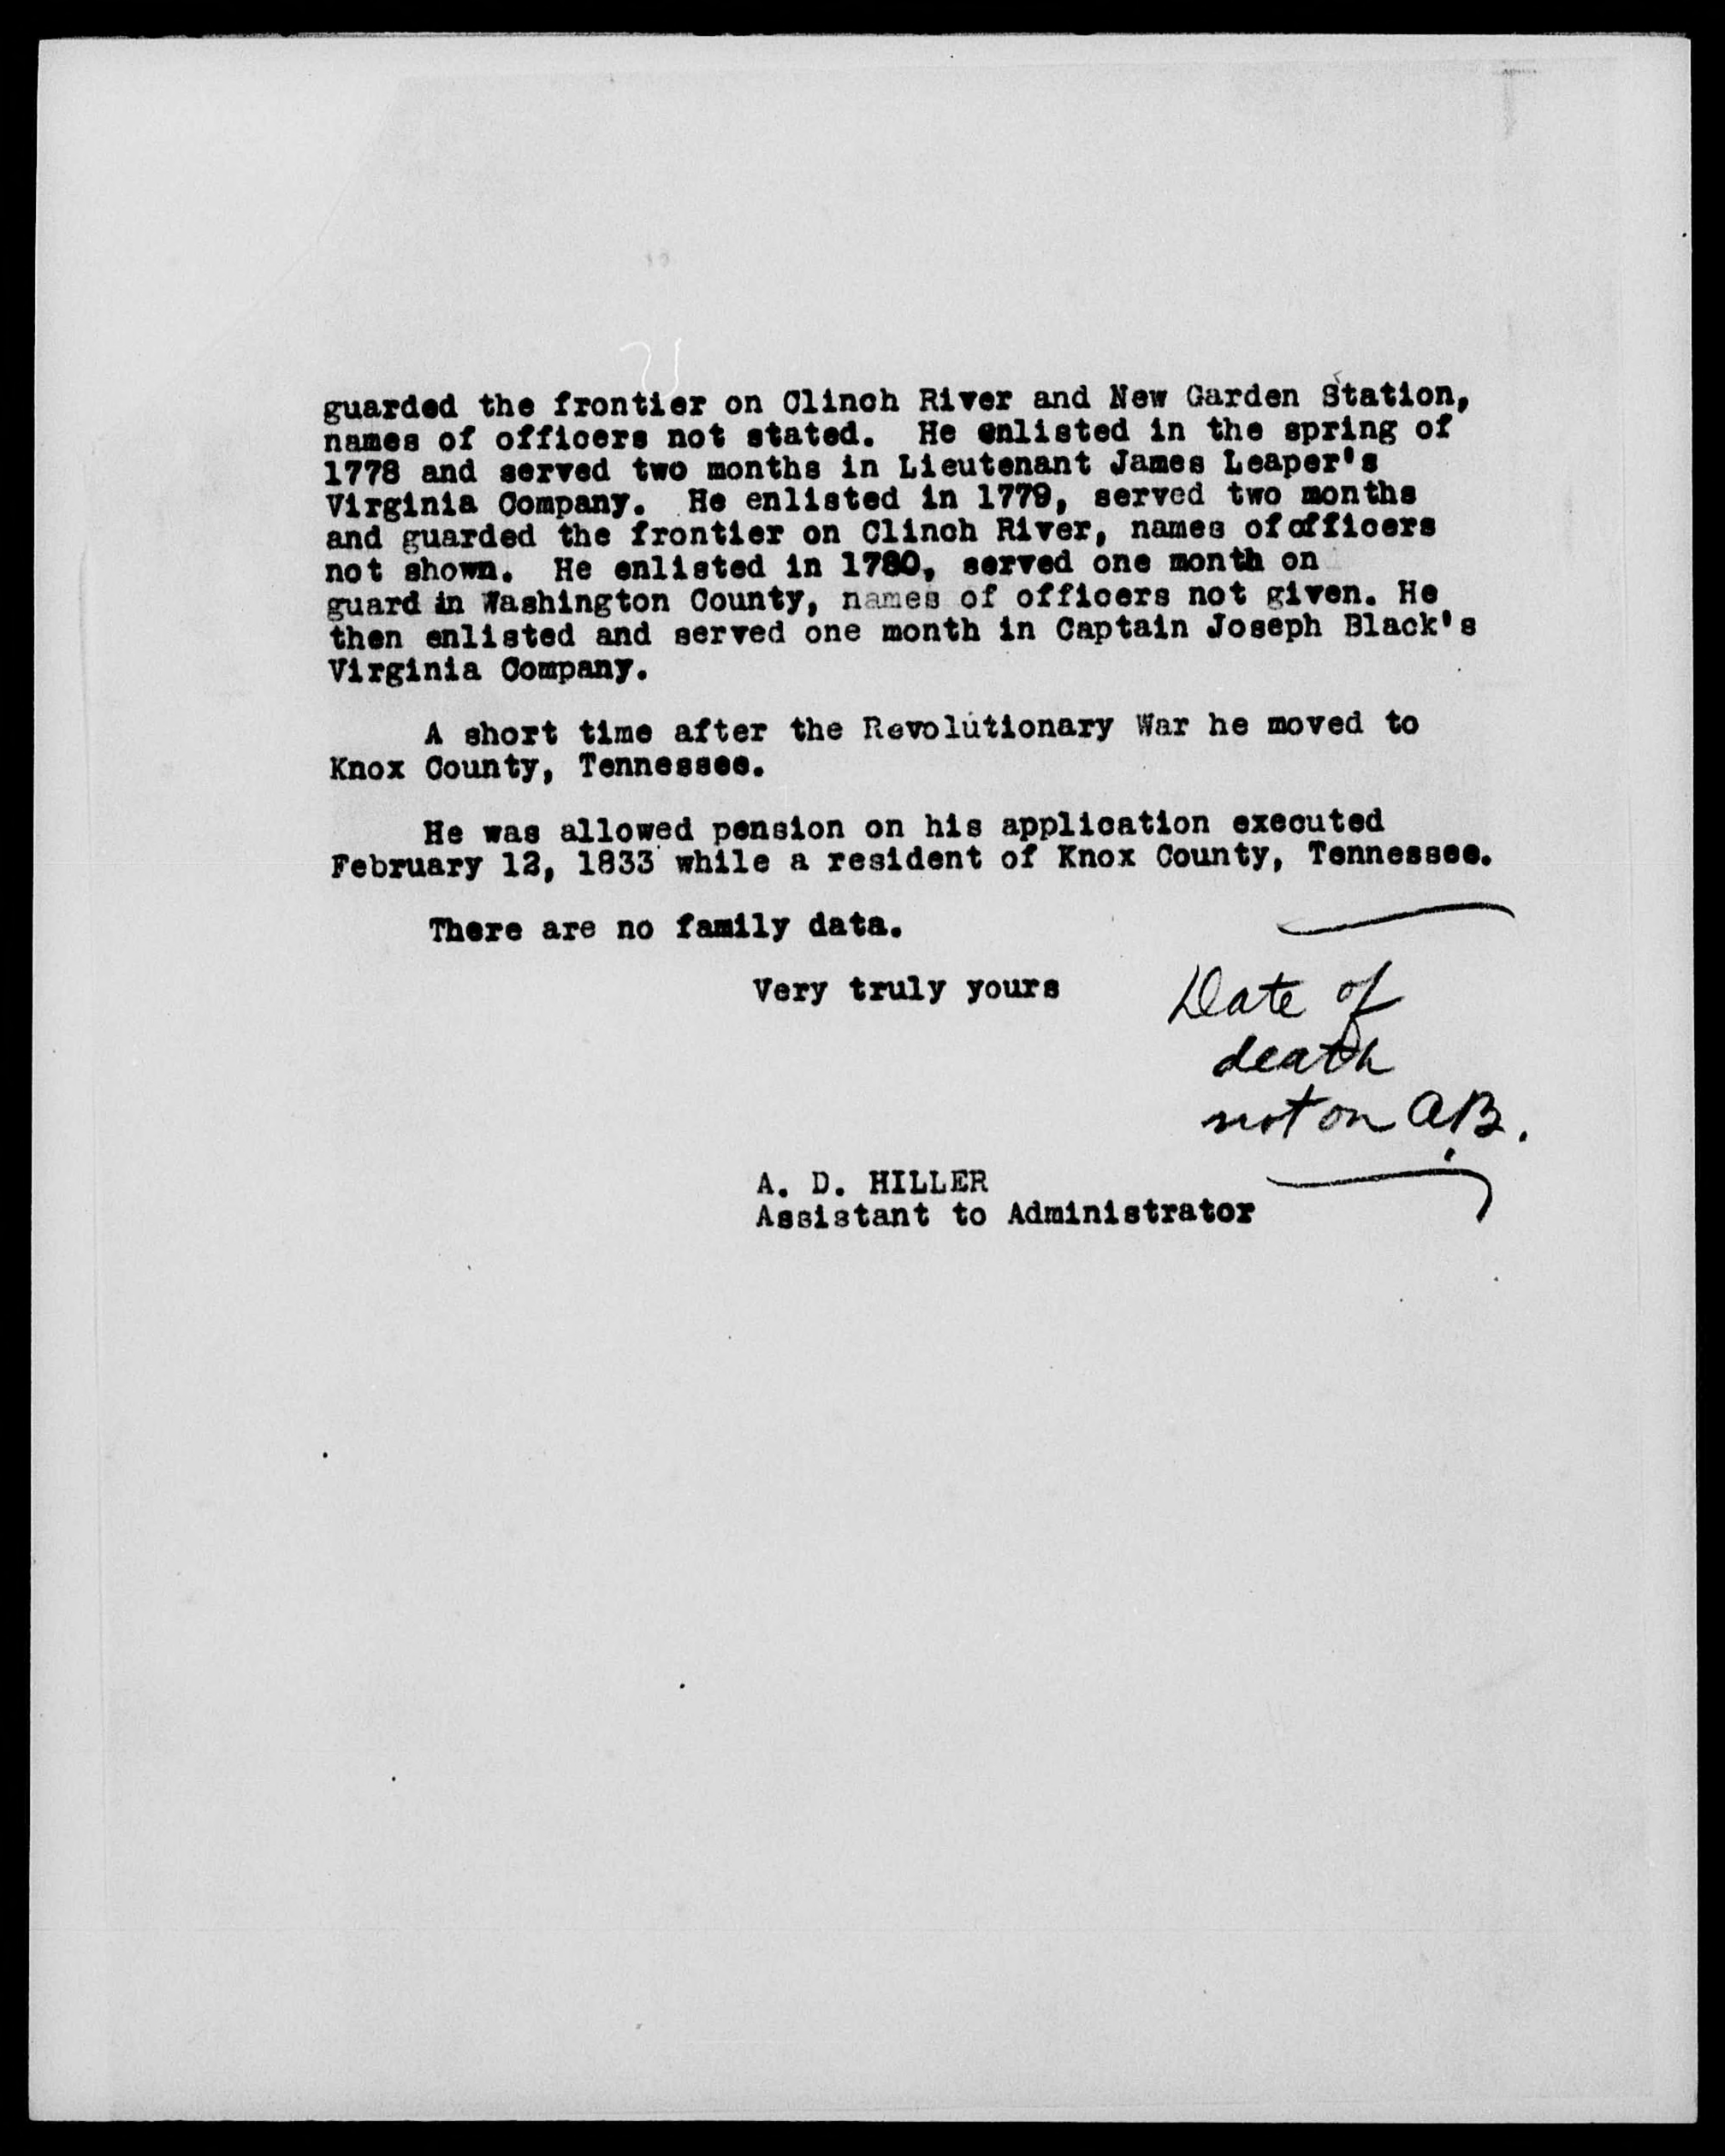guarded the frontier on Clinch River and New Garden Station, names of officers not stated. He enlisted in the spring of 1778 and served two months in Lieutenant James Leaper's Virginia Company. He enlisted in 1779, served two months and guarded the frontier on Clinch River, names of officers not shown. He enlisted in 1780, served one month on guard in Washington County, names of officers not given. He then enlisted and served one month in Captain Joseph Black's Virginia Company.
A short time after the Revolutionary War he moved to Knox County, Tennessee. 
He was allowed pension on his application executed February 12, 1833 while a resident of Knox County, Tennessee. 
There are no family data.
Very truly yours
[handwritten note to right] Date of death not on A.B.
A.D. Hiller
Assistant to Administrator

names: A D Hiller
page: 12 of 19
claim: survivor's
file: S. 1826, George Hufacre, Va.